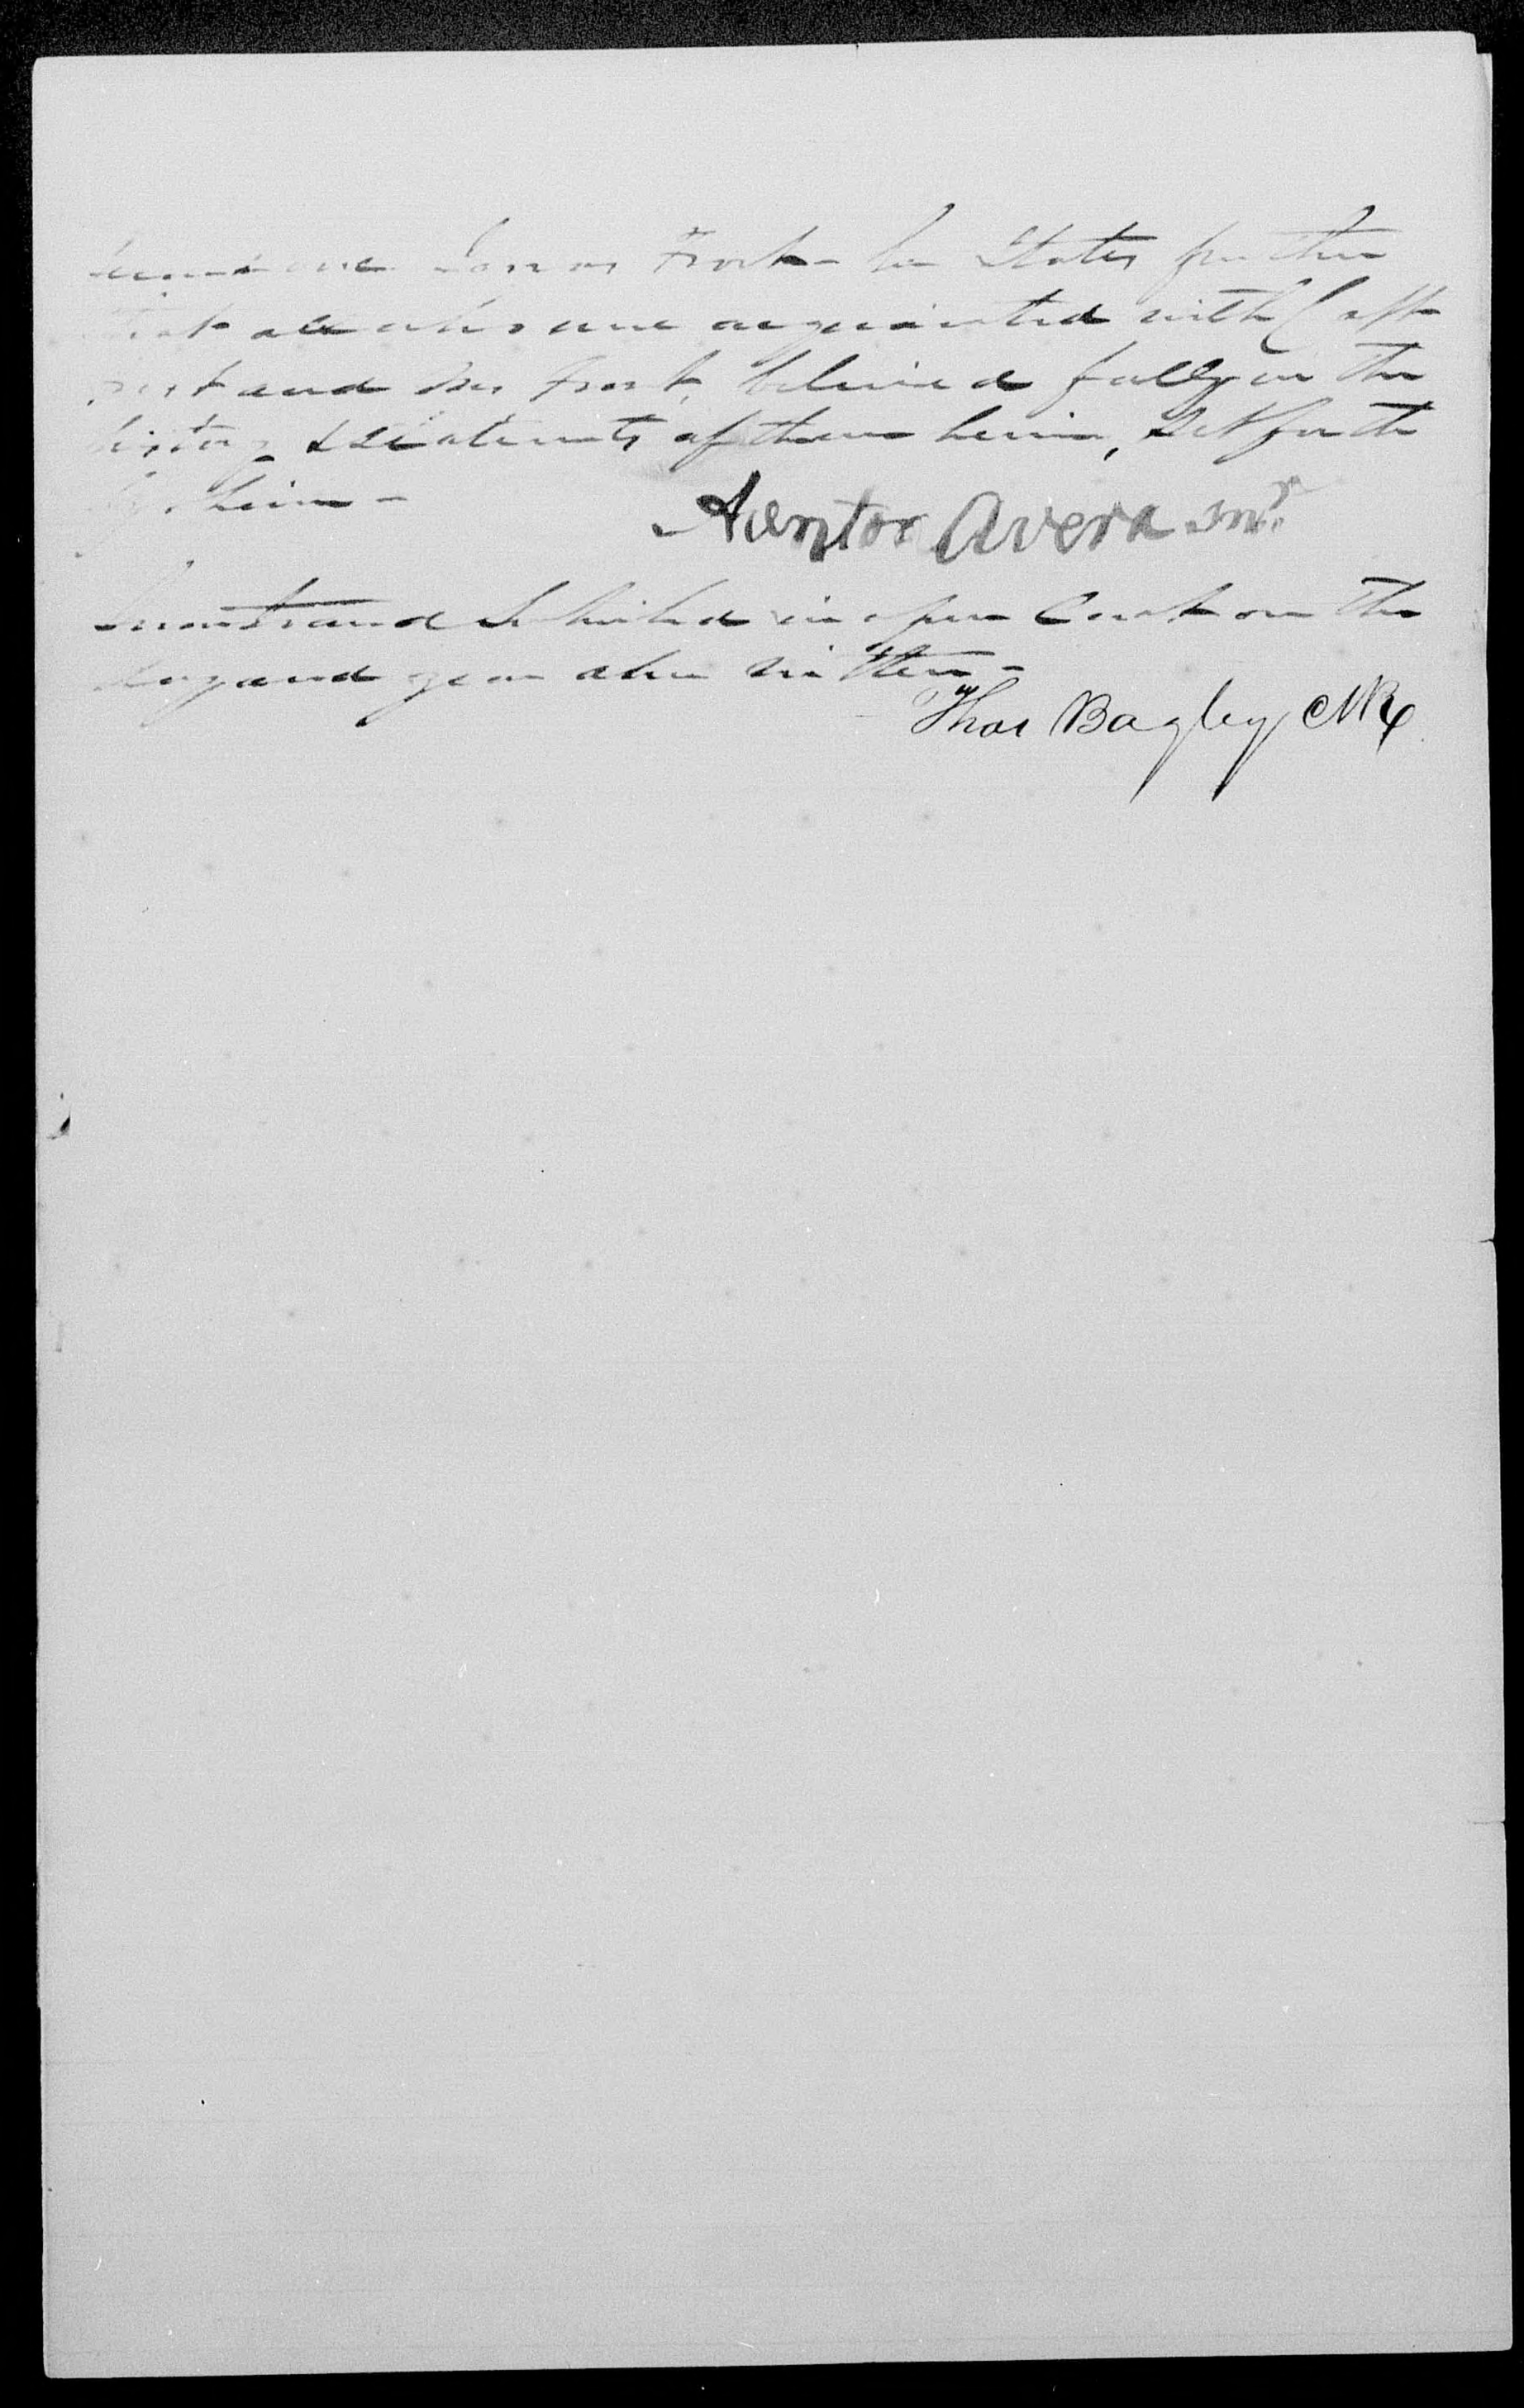Younger one James Frost  She States further that all who were acquainted with Captain Frost and Mrs. Frost, believe a fully in the history and statements of them herein, set forth by them.  
Arinton Avera
Sworn to and Subscribed in open Court on the day and year above written. -Thos Bagley MC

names: Thos Bagley, Jonas Frost, Arinton Avera, Frost, Frost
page: 4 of 15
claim: rejected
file: R. 3815, James Frost, N.C.